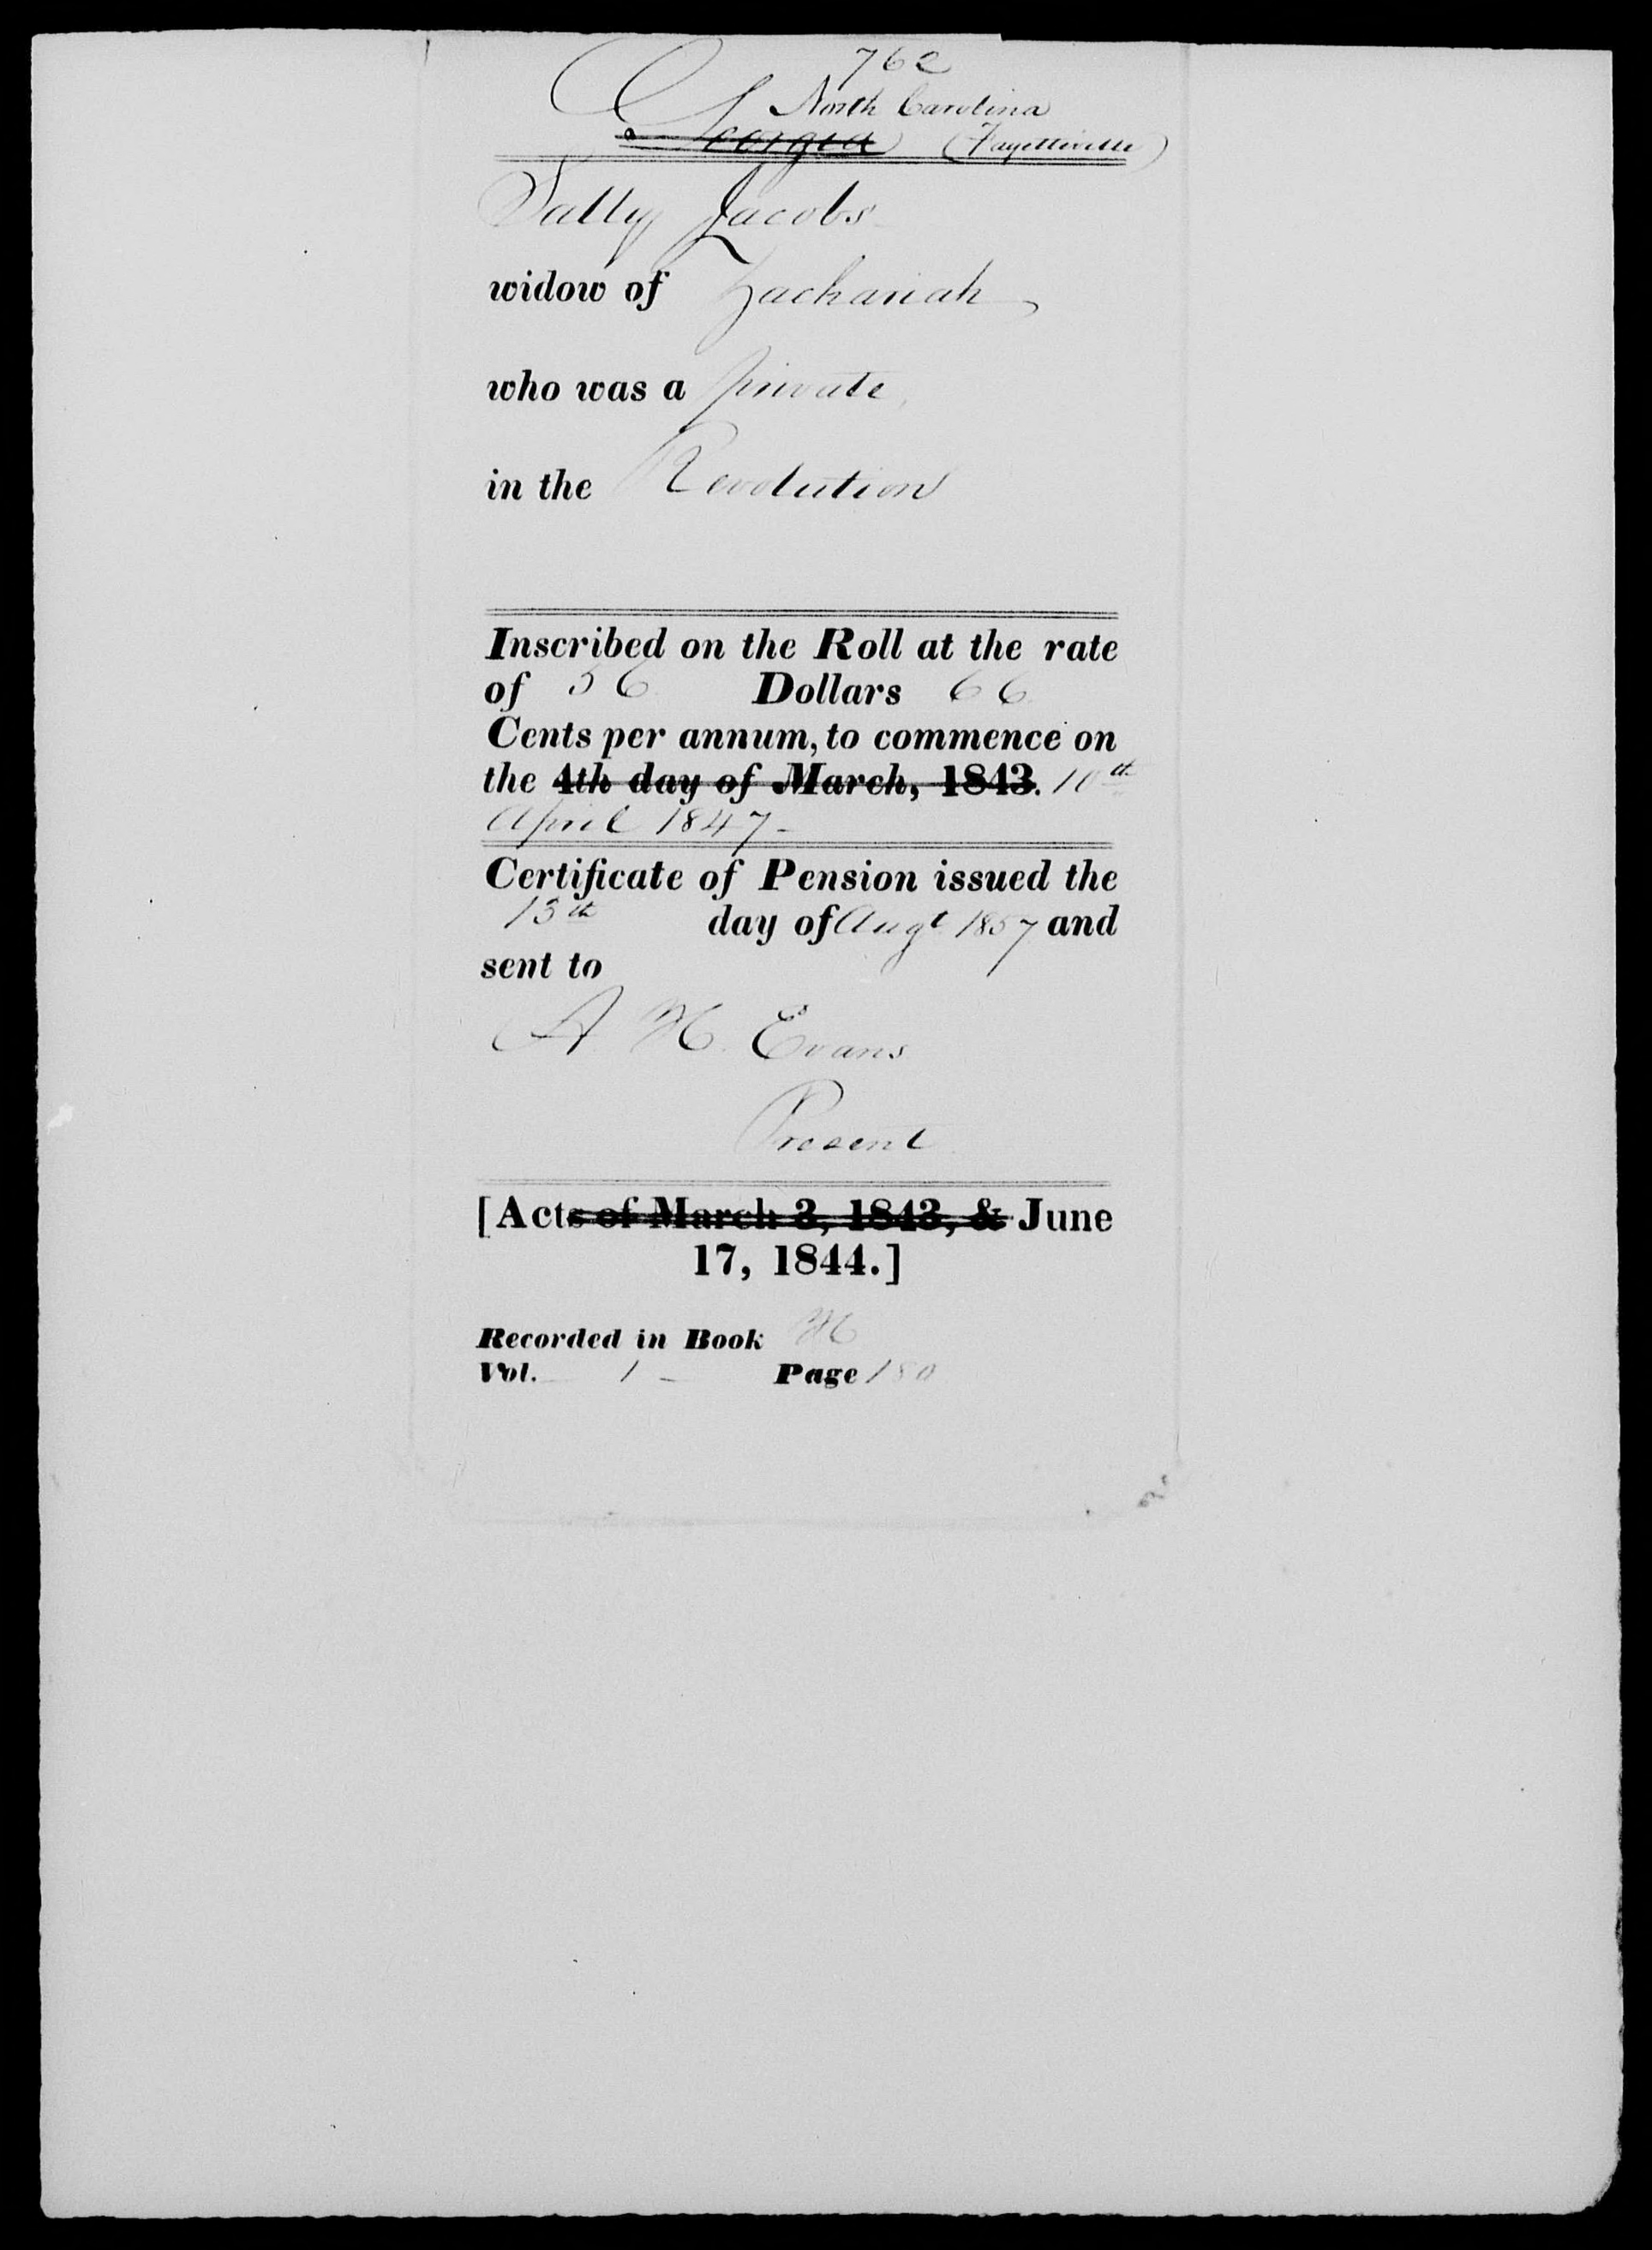762
             North Carolina
[the word "Georgia" is crossed out]
                               Fayetteville
============================

Sally Jacobs
widow of Zachariah
who was a private
in the Revolution
============================
Inscribed on the Roll at the rate of 56 Dollars 66 Cents per annum, to commence on the ["4th day of March, 1843" is crossed out] 10th April 1847 - 
===========================
Certificate of Pension issued the 13th day of Aug't 1857 and sent to A.H Evans
                                       Present
===========================
[Act ["s of March 3, 1843, &" is crossed out] June 17, 1841.]

Recorded in Book 26
Vol.   -  1  -       Page 180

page: 33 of 40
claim: widow's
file: W. 5304, for Zachariah Jacobs, North Carolina